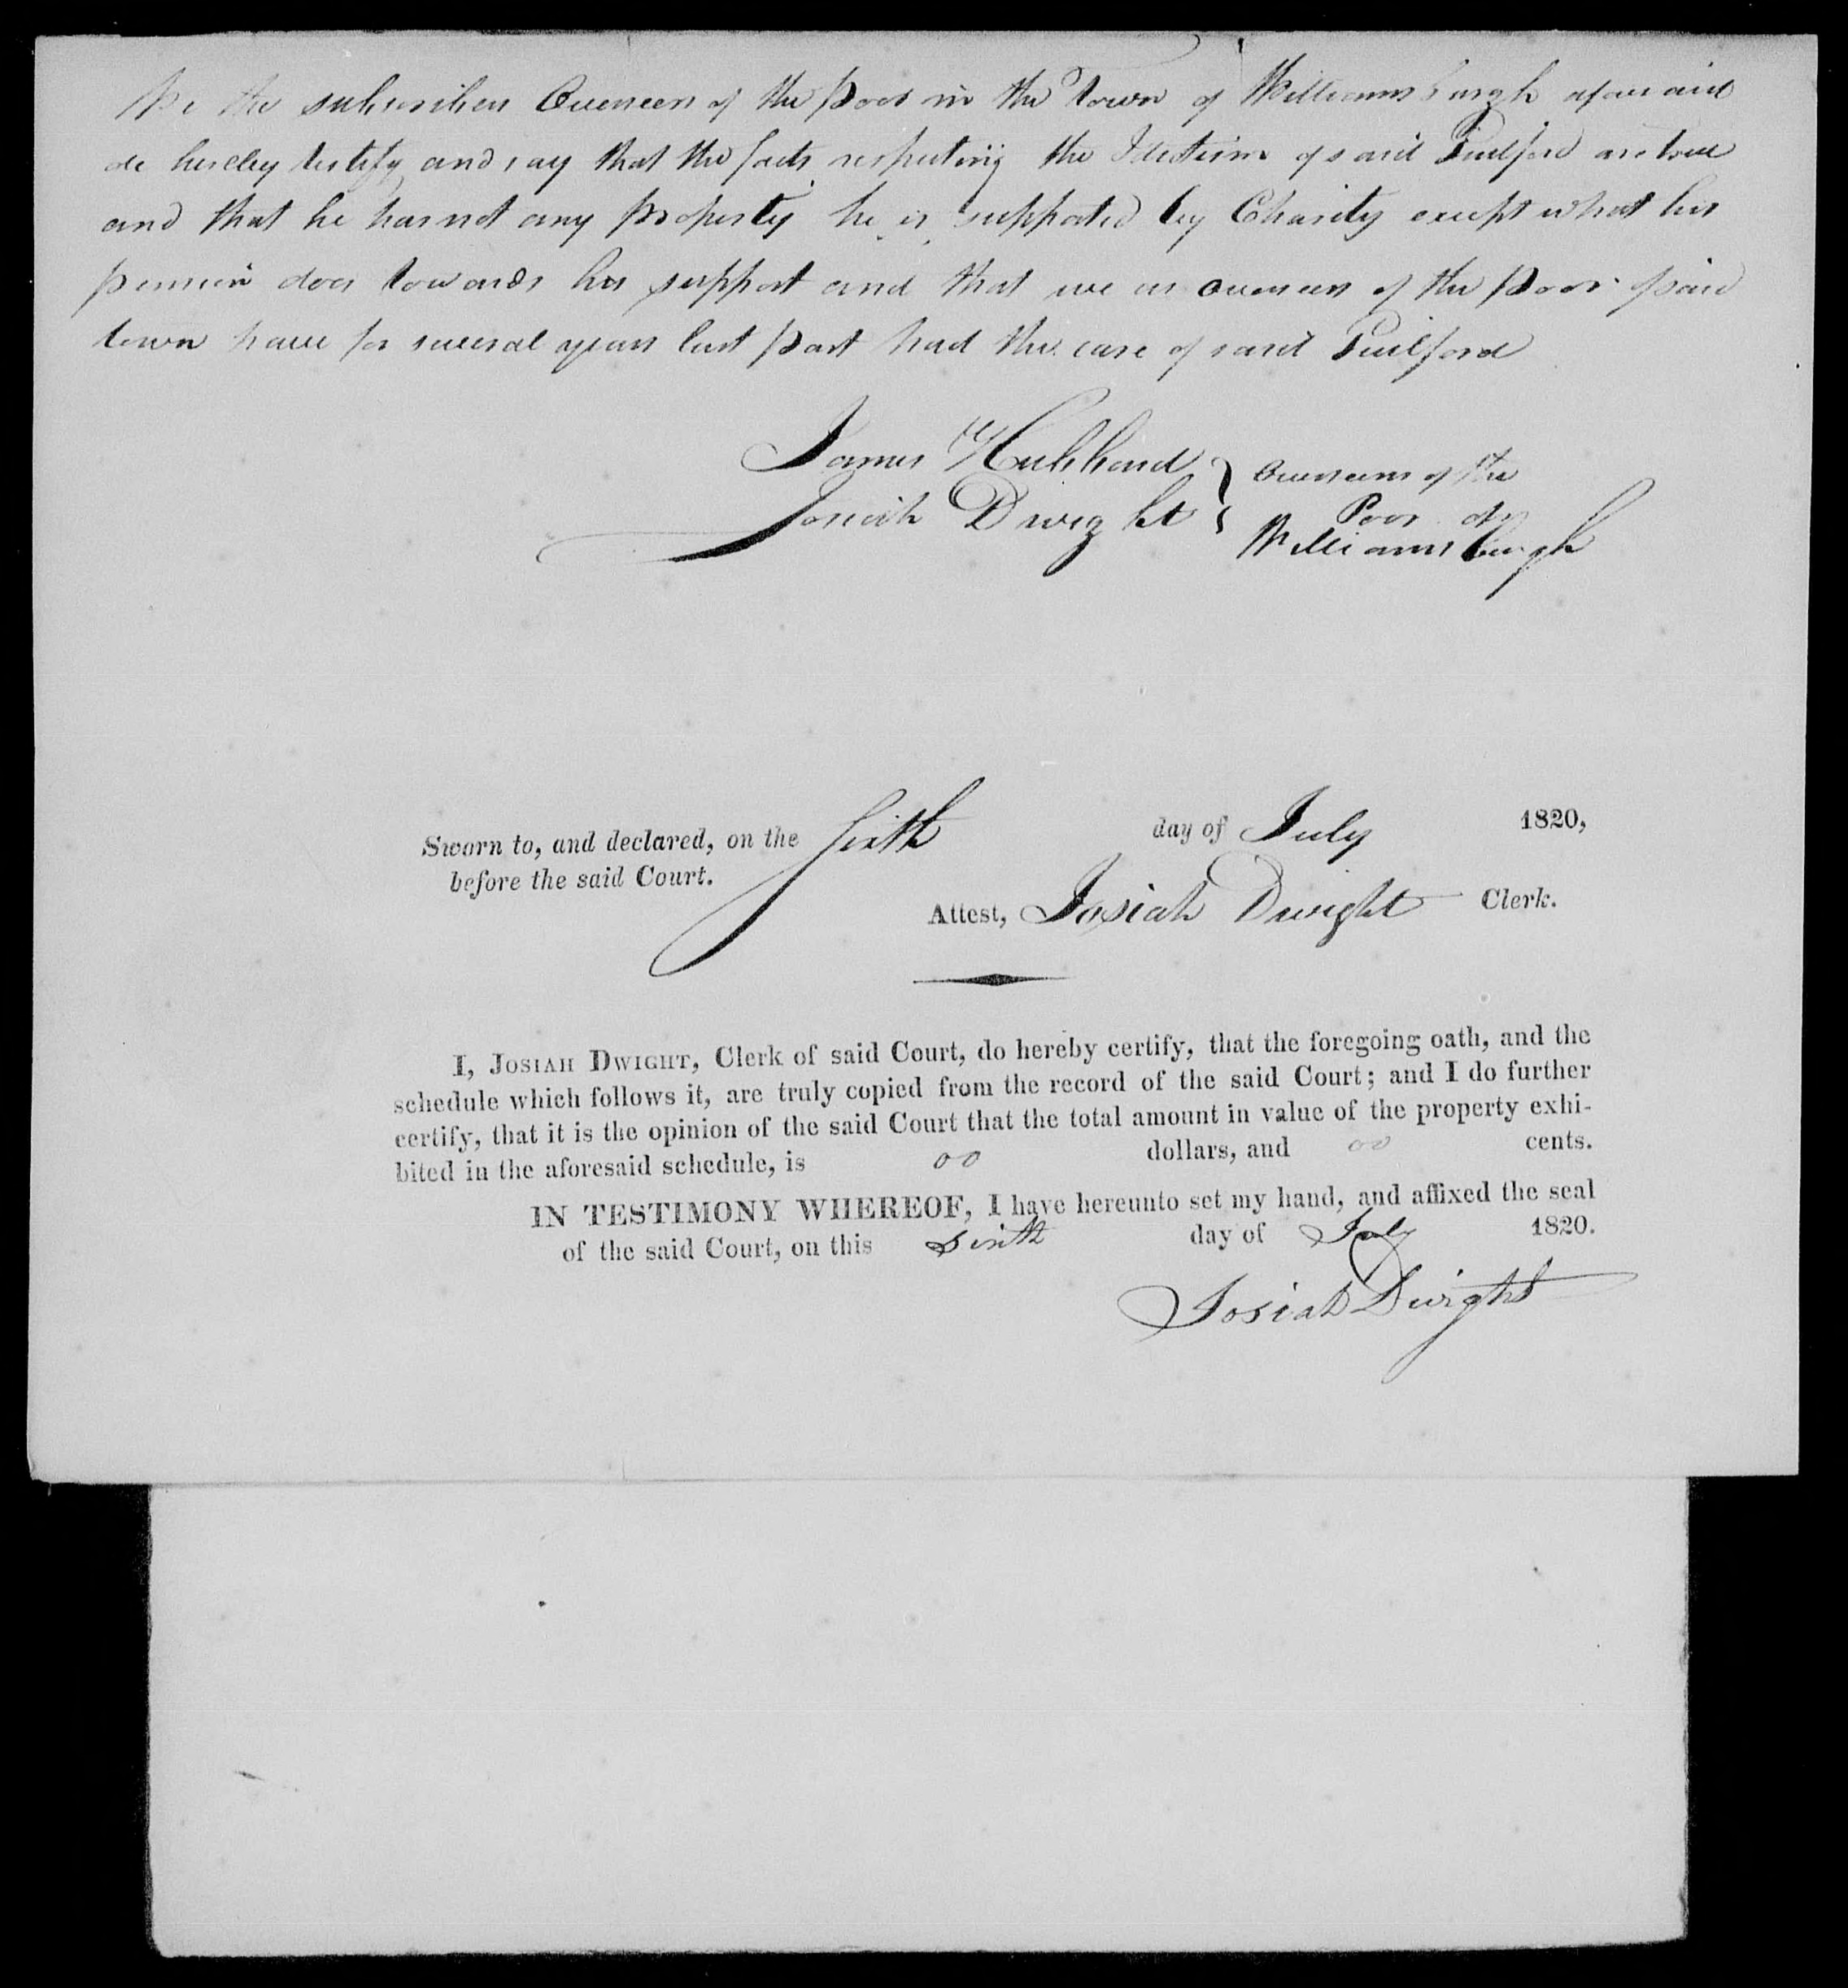he the subscriber [Queen?] of the poor in the Town of Williamsburgh aforesaid do hereby testify, and say that the facts respecting the [illegible] of said Guilford
are true and that he has not any property he is supported by Charity except what his pension does towards his support and that we as of the Poor.  of said town have for several years last part had the case of said Guilford

[signatures]
James Hubbard
Josiah Dwight
[Queen?]of the Poor of Williamsburgh

I, Josiah Dwight, Clerk of the said Court, do hereby certify, that the foregoing oath, and the schedule which follows it, are truly copied from the court record of the said Court; and I do further certify, that it is the opinion of the said Court that the total amount in value of the property exhibited in the aforesaid schedule, is 00 dollars and 00 cents. In Testimony whereof, I have hereunto set my hand,. and affixed the seal of the said Court, on this sixth day of July 1820.
[signature]
Josiah Dwight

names: James Hubbard, Guilford, Josiah Dwight, Josiah Dwight, Josiah Dwight, Josiah Dwight, Guilford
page: 9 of 26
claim: widow's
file: W. 21,238, Timothy Guilford, Mass.